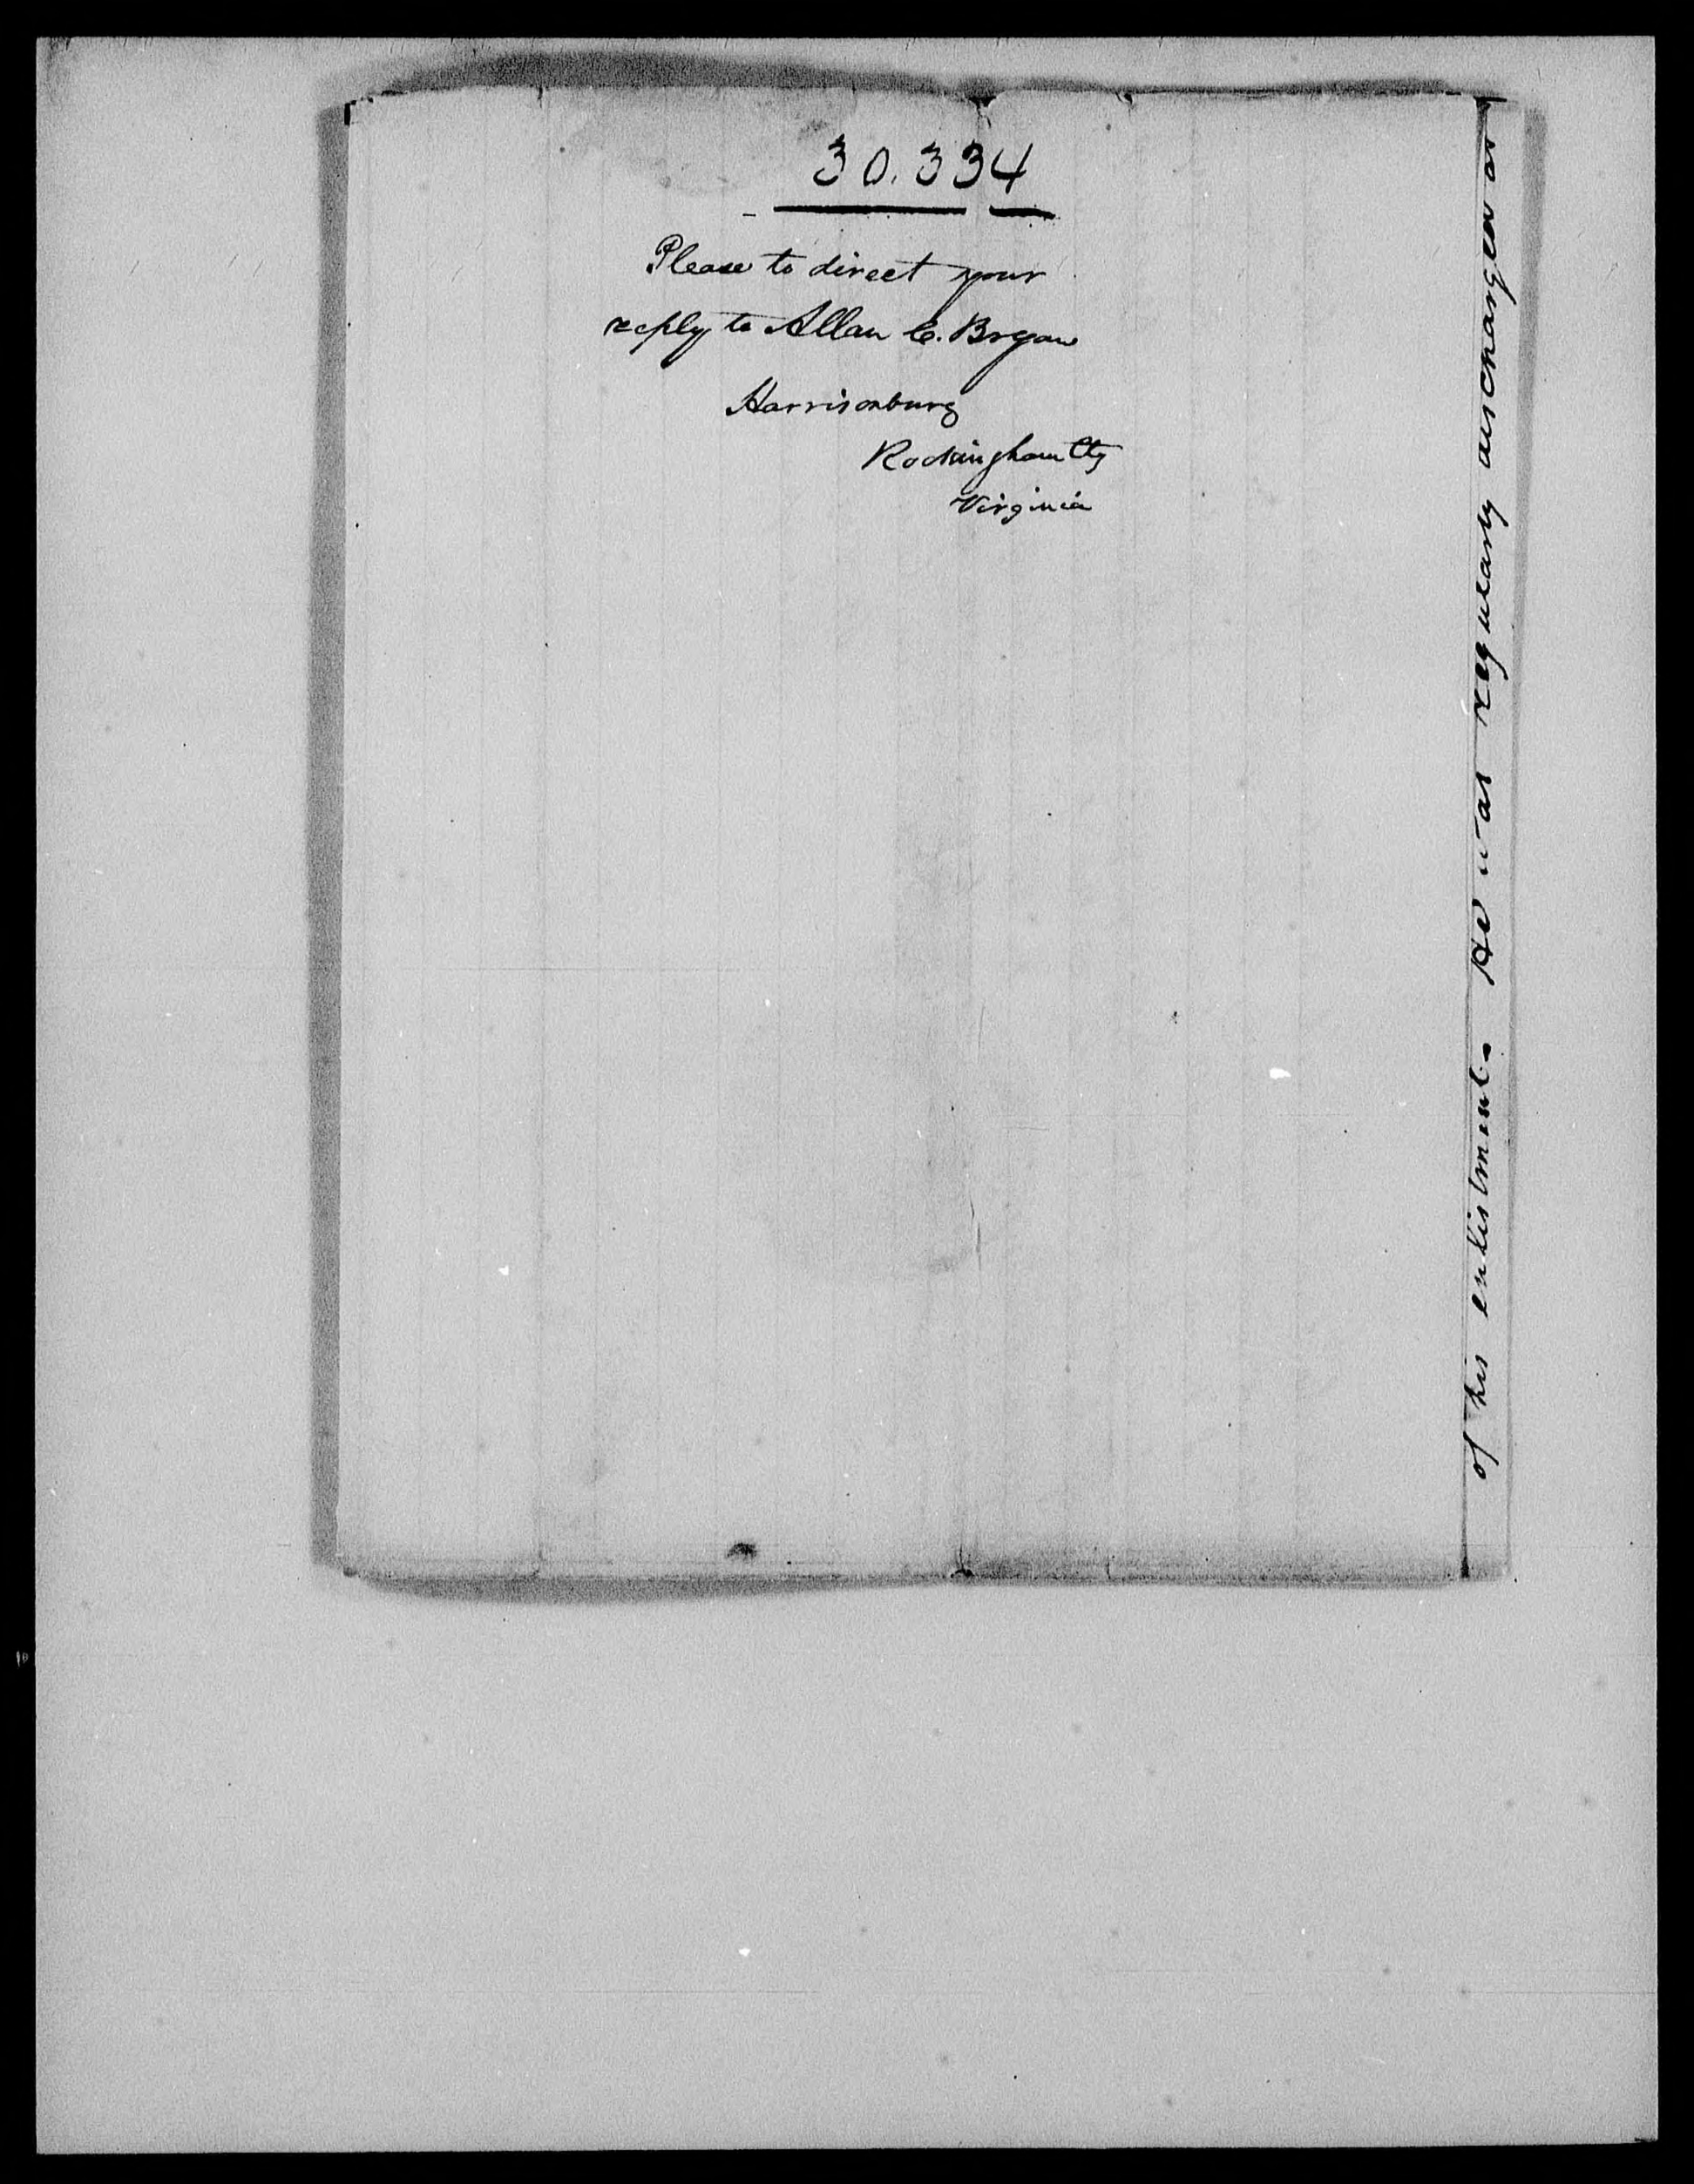30.334
-
Please to direct your
reply to Allan C. Bryan
Harrisonburg
Rockingham City
Virginia
He was regularly discharged 
of his enlistment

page: 3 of 18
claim: survivor's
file: S. 11,508, for Mathew Tate, Virginia